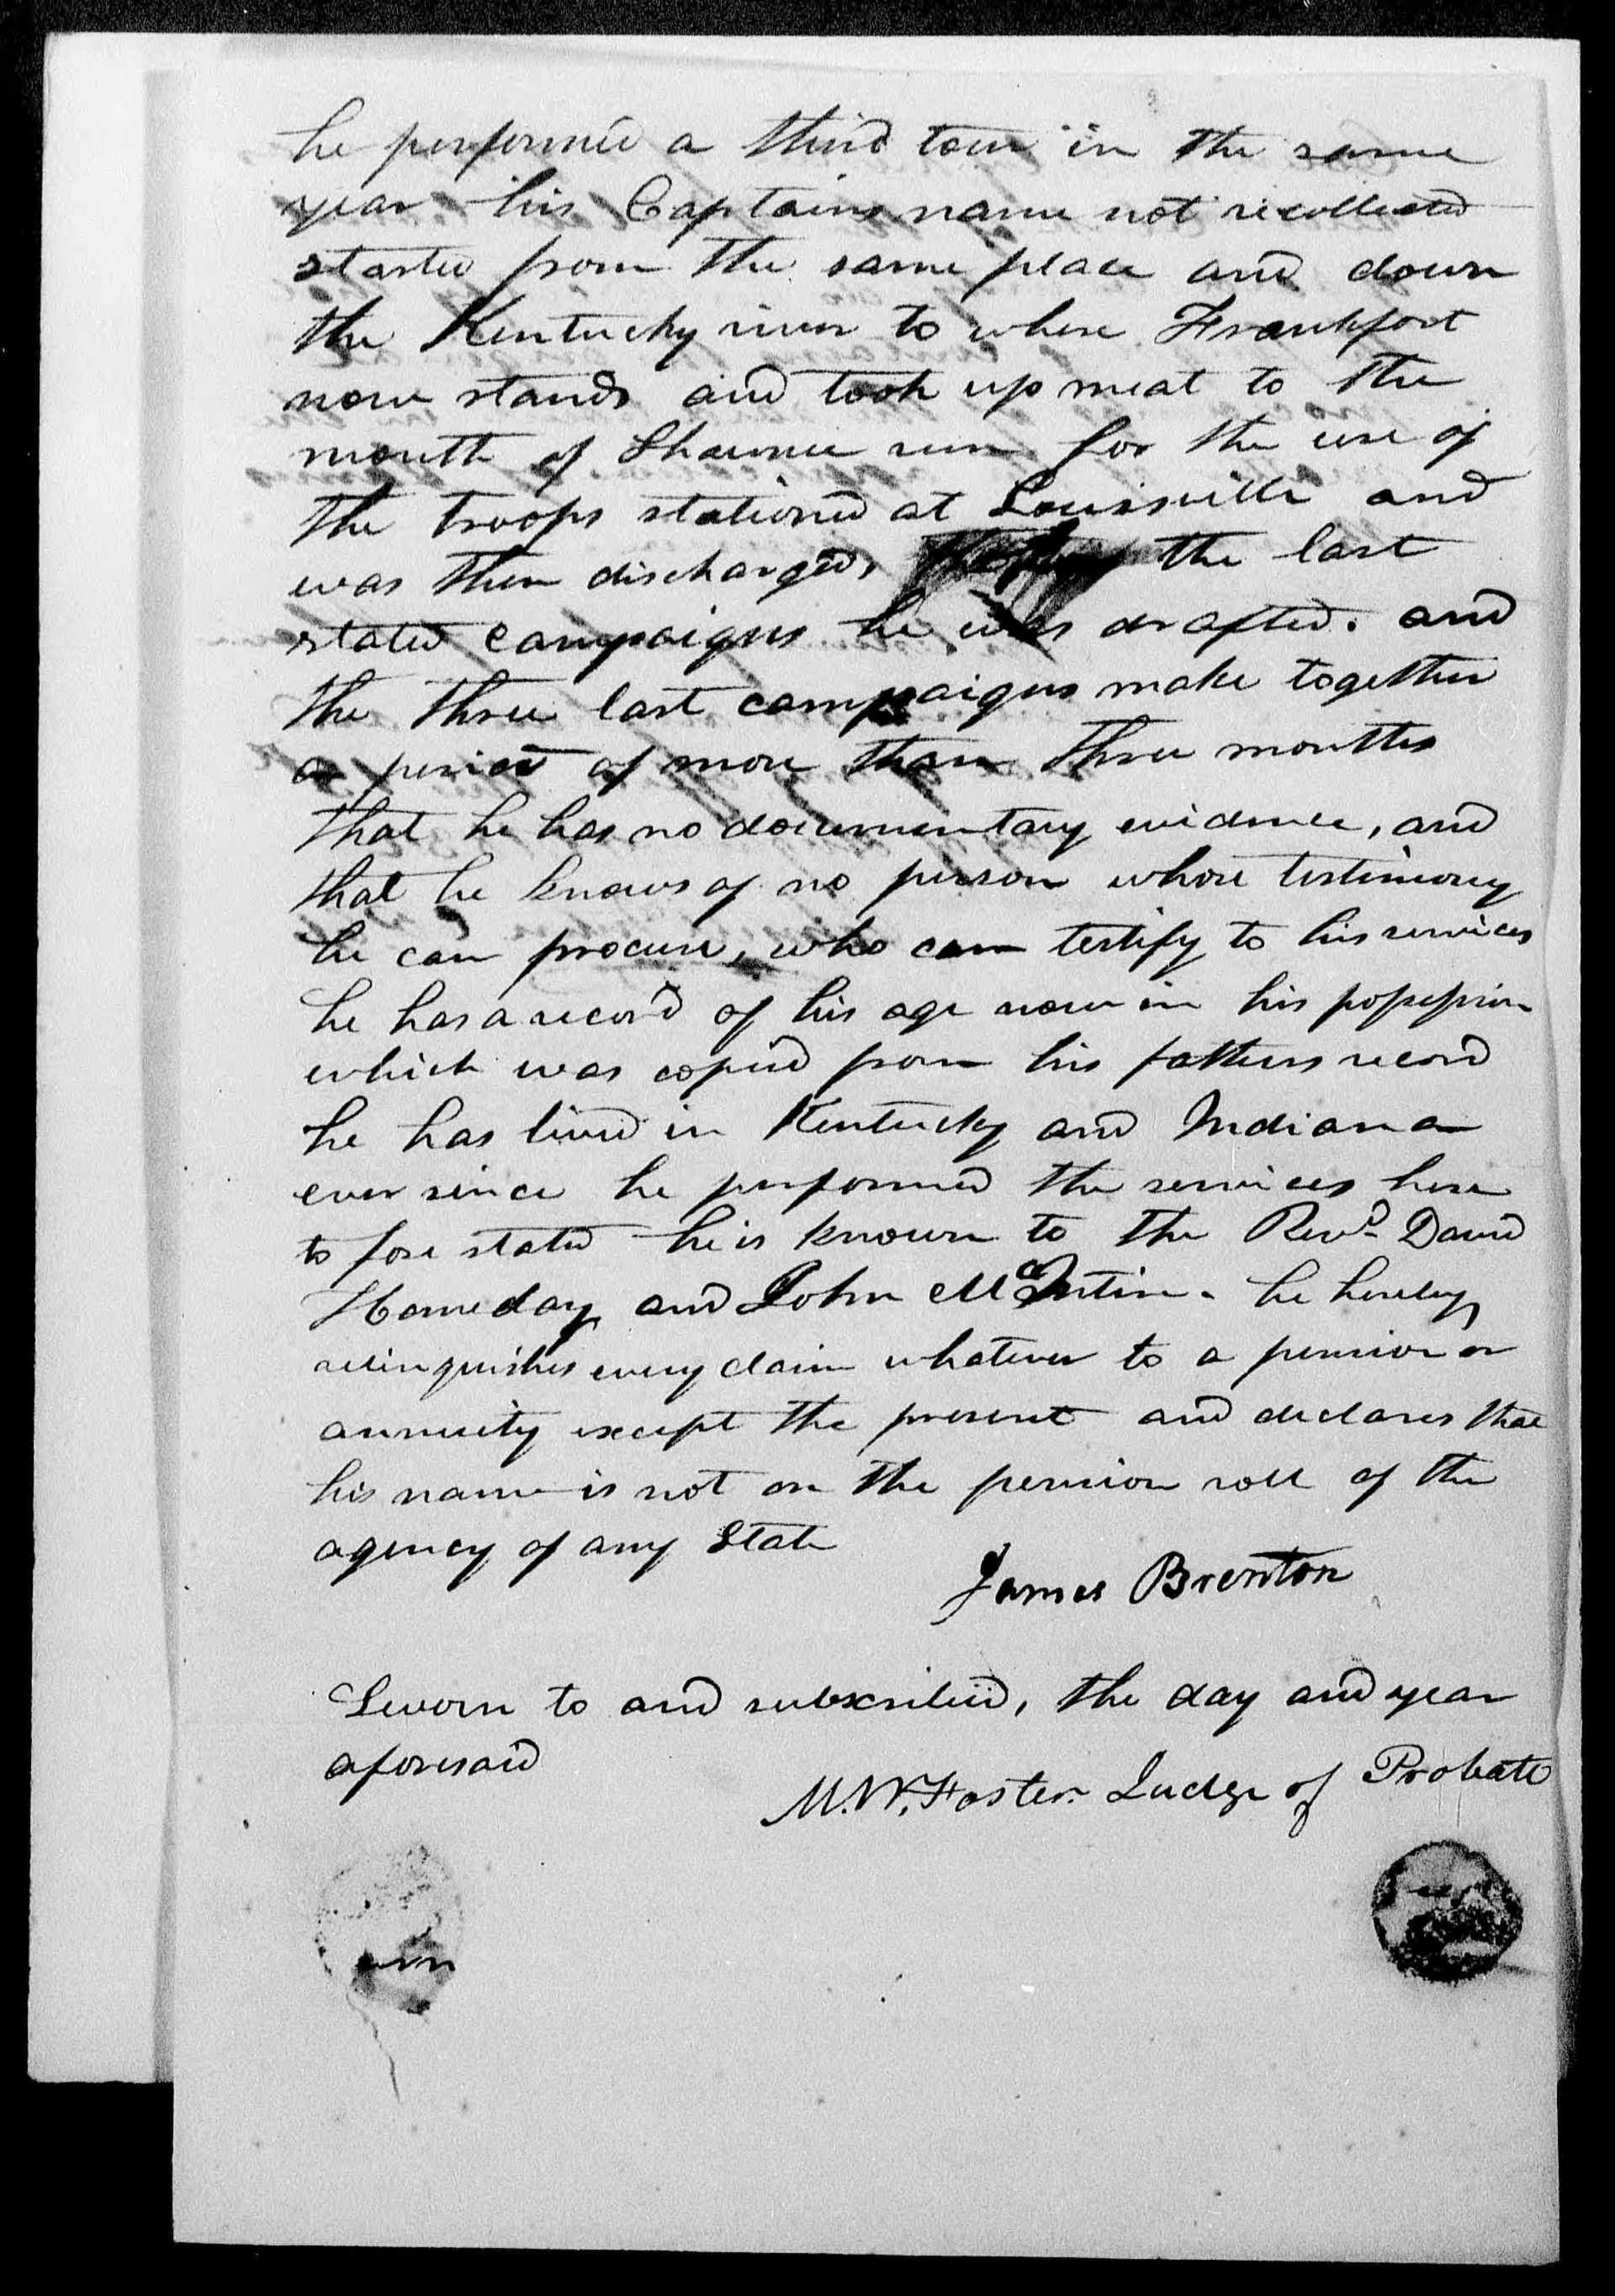he performed a third tour in the same year his Captain's name not recollected started from the same place and down the Kentucky river to where Frankfort now stands and took up meat to the mouth of Shawnee [illegible] for the use of the troops stationed at Louisville and was then discharged. [blurred & illegible] the last stated campaigns he was drafted and the three last campaigns make together a service of more than three months that he has no documentary evidence, and that he knows of no person whose testimony he can procure, who can testify to his services he has a record of his age now in his possession which was copied from his fathers record he has lived in Kentucky and Indiana ever since he performed the services heretofore stated he is known to the Rev. Davis Horneday and John McIntire. He hereby relinquishes every claim whatever to a pension or annuity except the present and declares that his name is not on the pension roll of the agency of any state. James Brenton
Sworn to and subscribed, the day and year aforesaid M. W. Foster, Judge of Probate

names: M W Foster, David Horneday, James Brenton, John Mc Intire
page: 7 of 49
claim: widow's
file: W. 2518, James Brenton, Va.